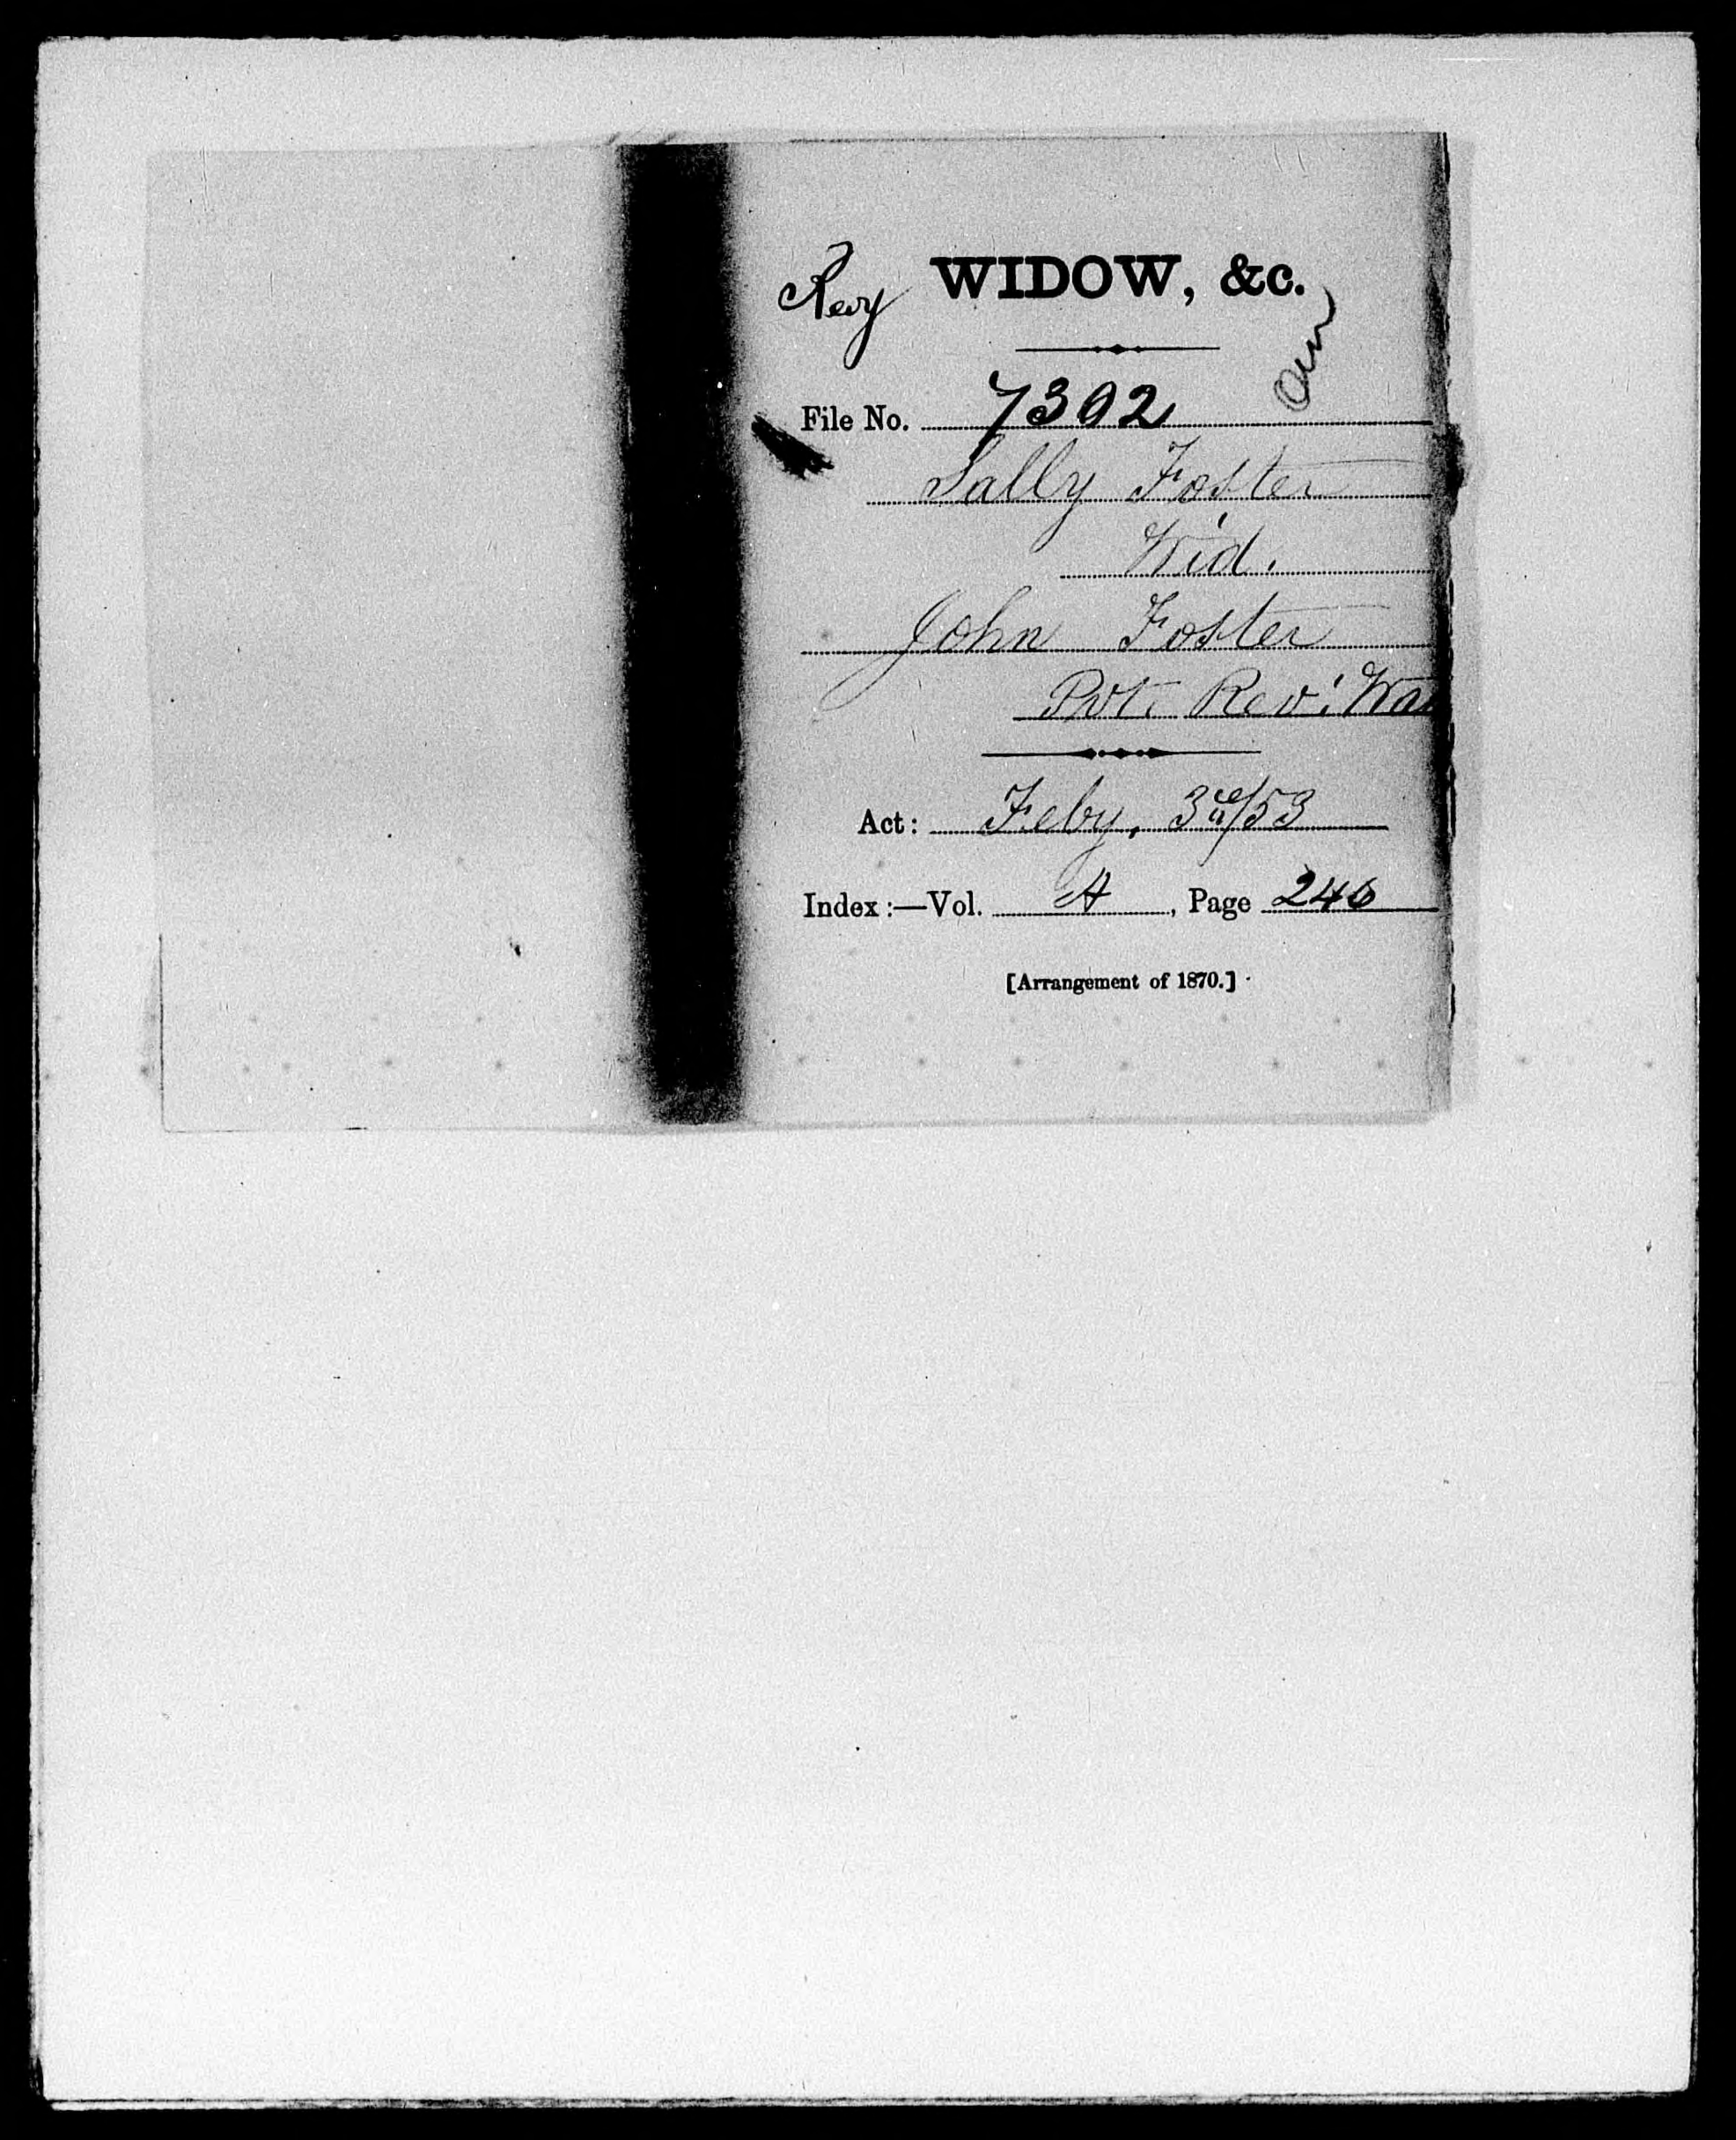Revy 
WIDOW, &c.
File No. 7302
Sally Foster Wid. John Foster Pri. Rev. War
Act:  Feby, 3rd/53
Index:—Vol. A, Page 246
[Arrangement of 1870.]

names: John Foster, Sally Foster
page: 19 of 47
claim: widow's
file: W. 7,302, John Foster, Continental Mass. R.I.